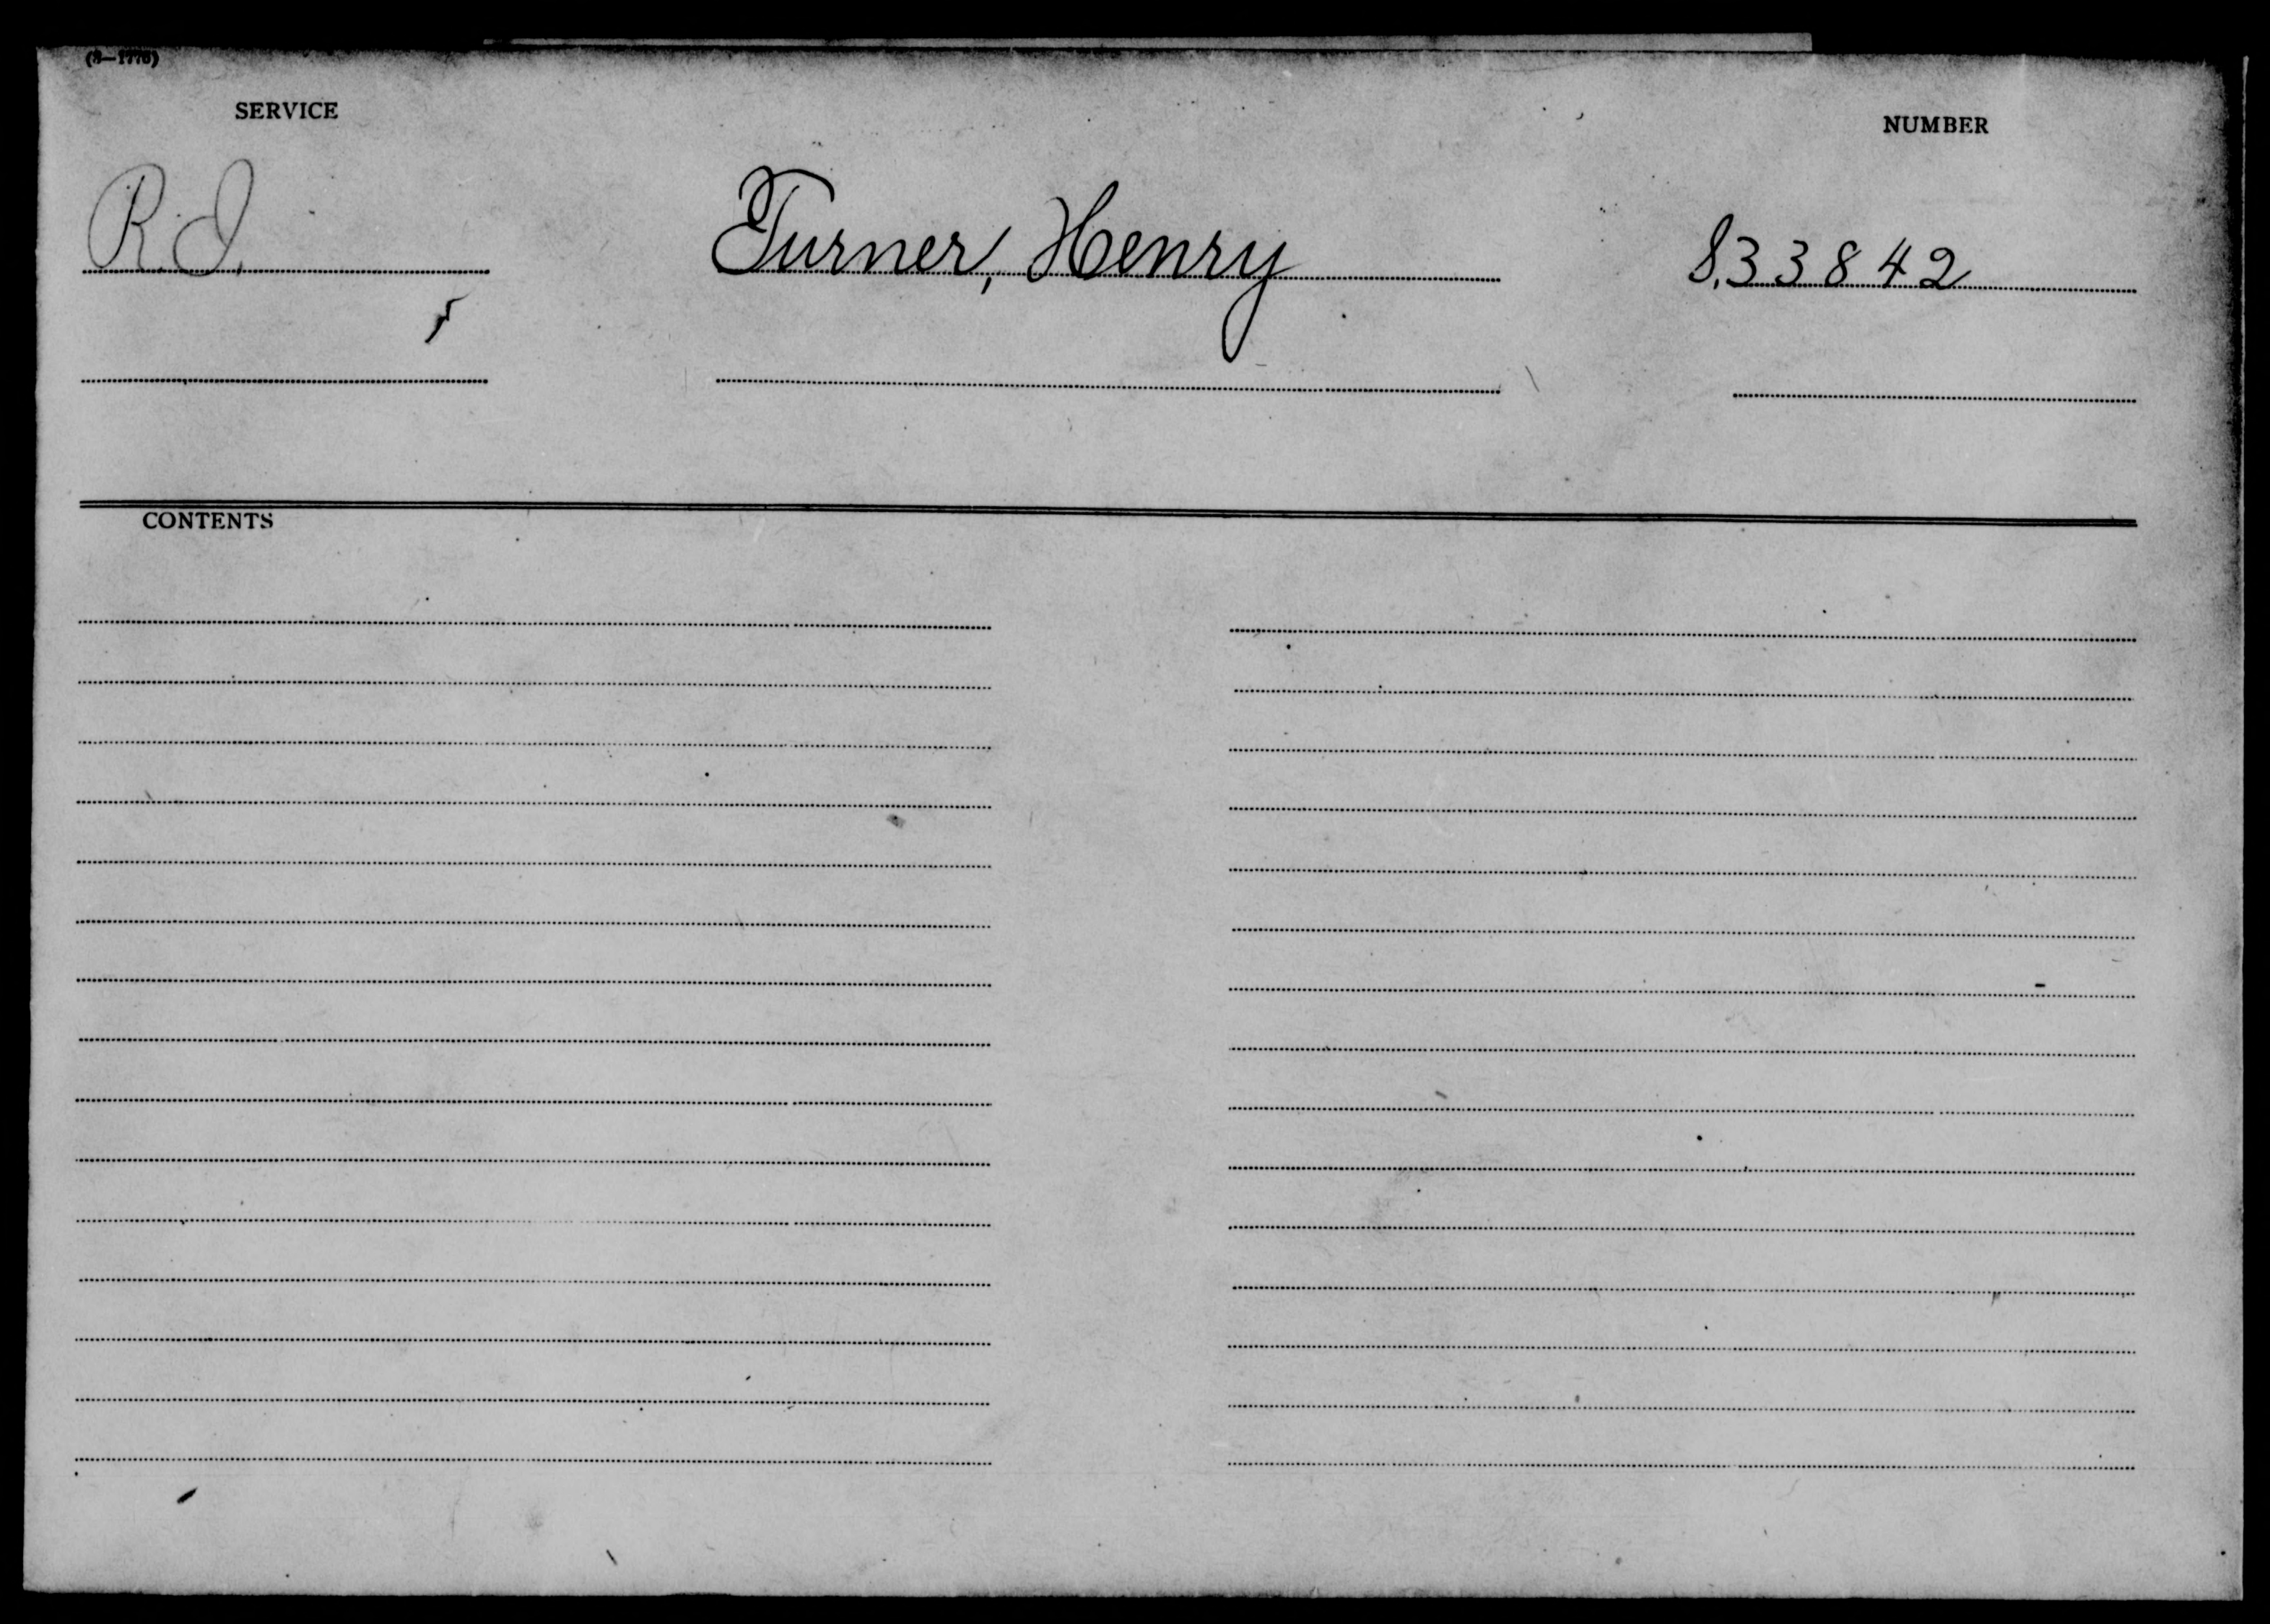Service
   R.I.

Turner, Henry

Number
   833842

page: 1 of 11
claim: survivor's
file: S. 33842, Henry Turner, R.I.